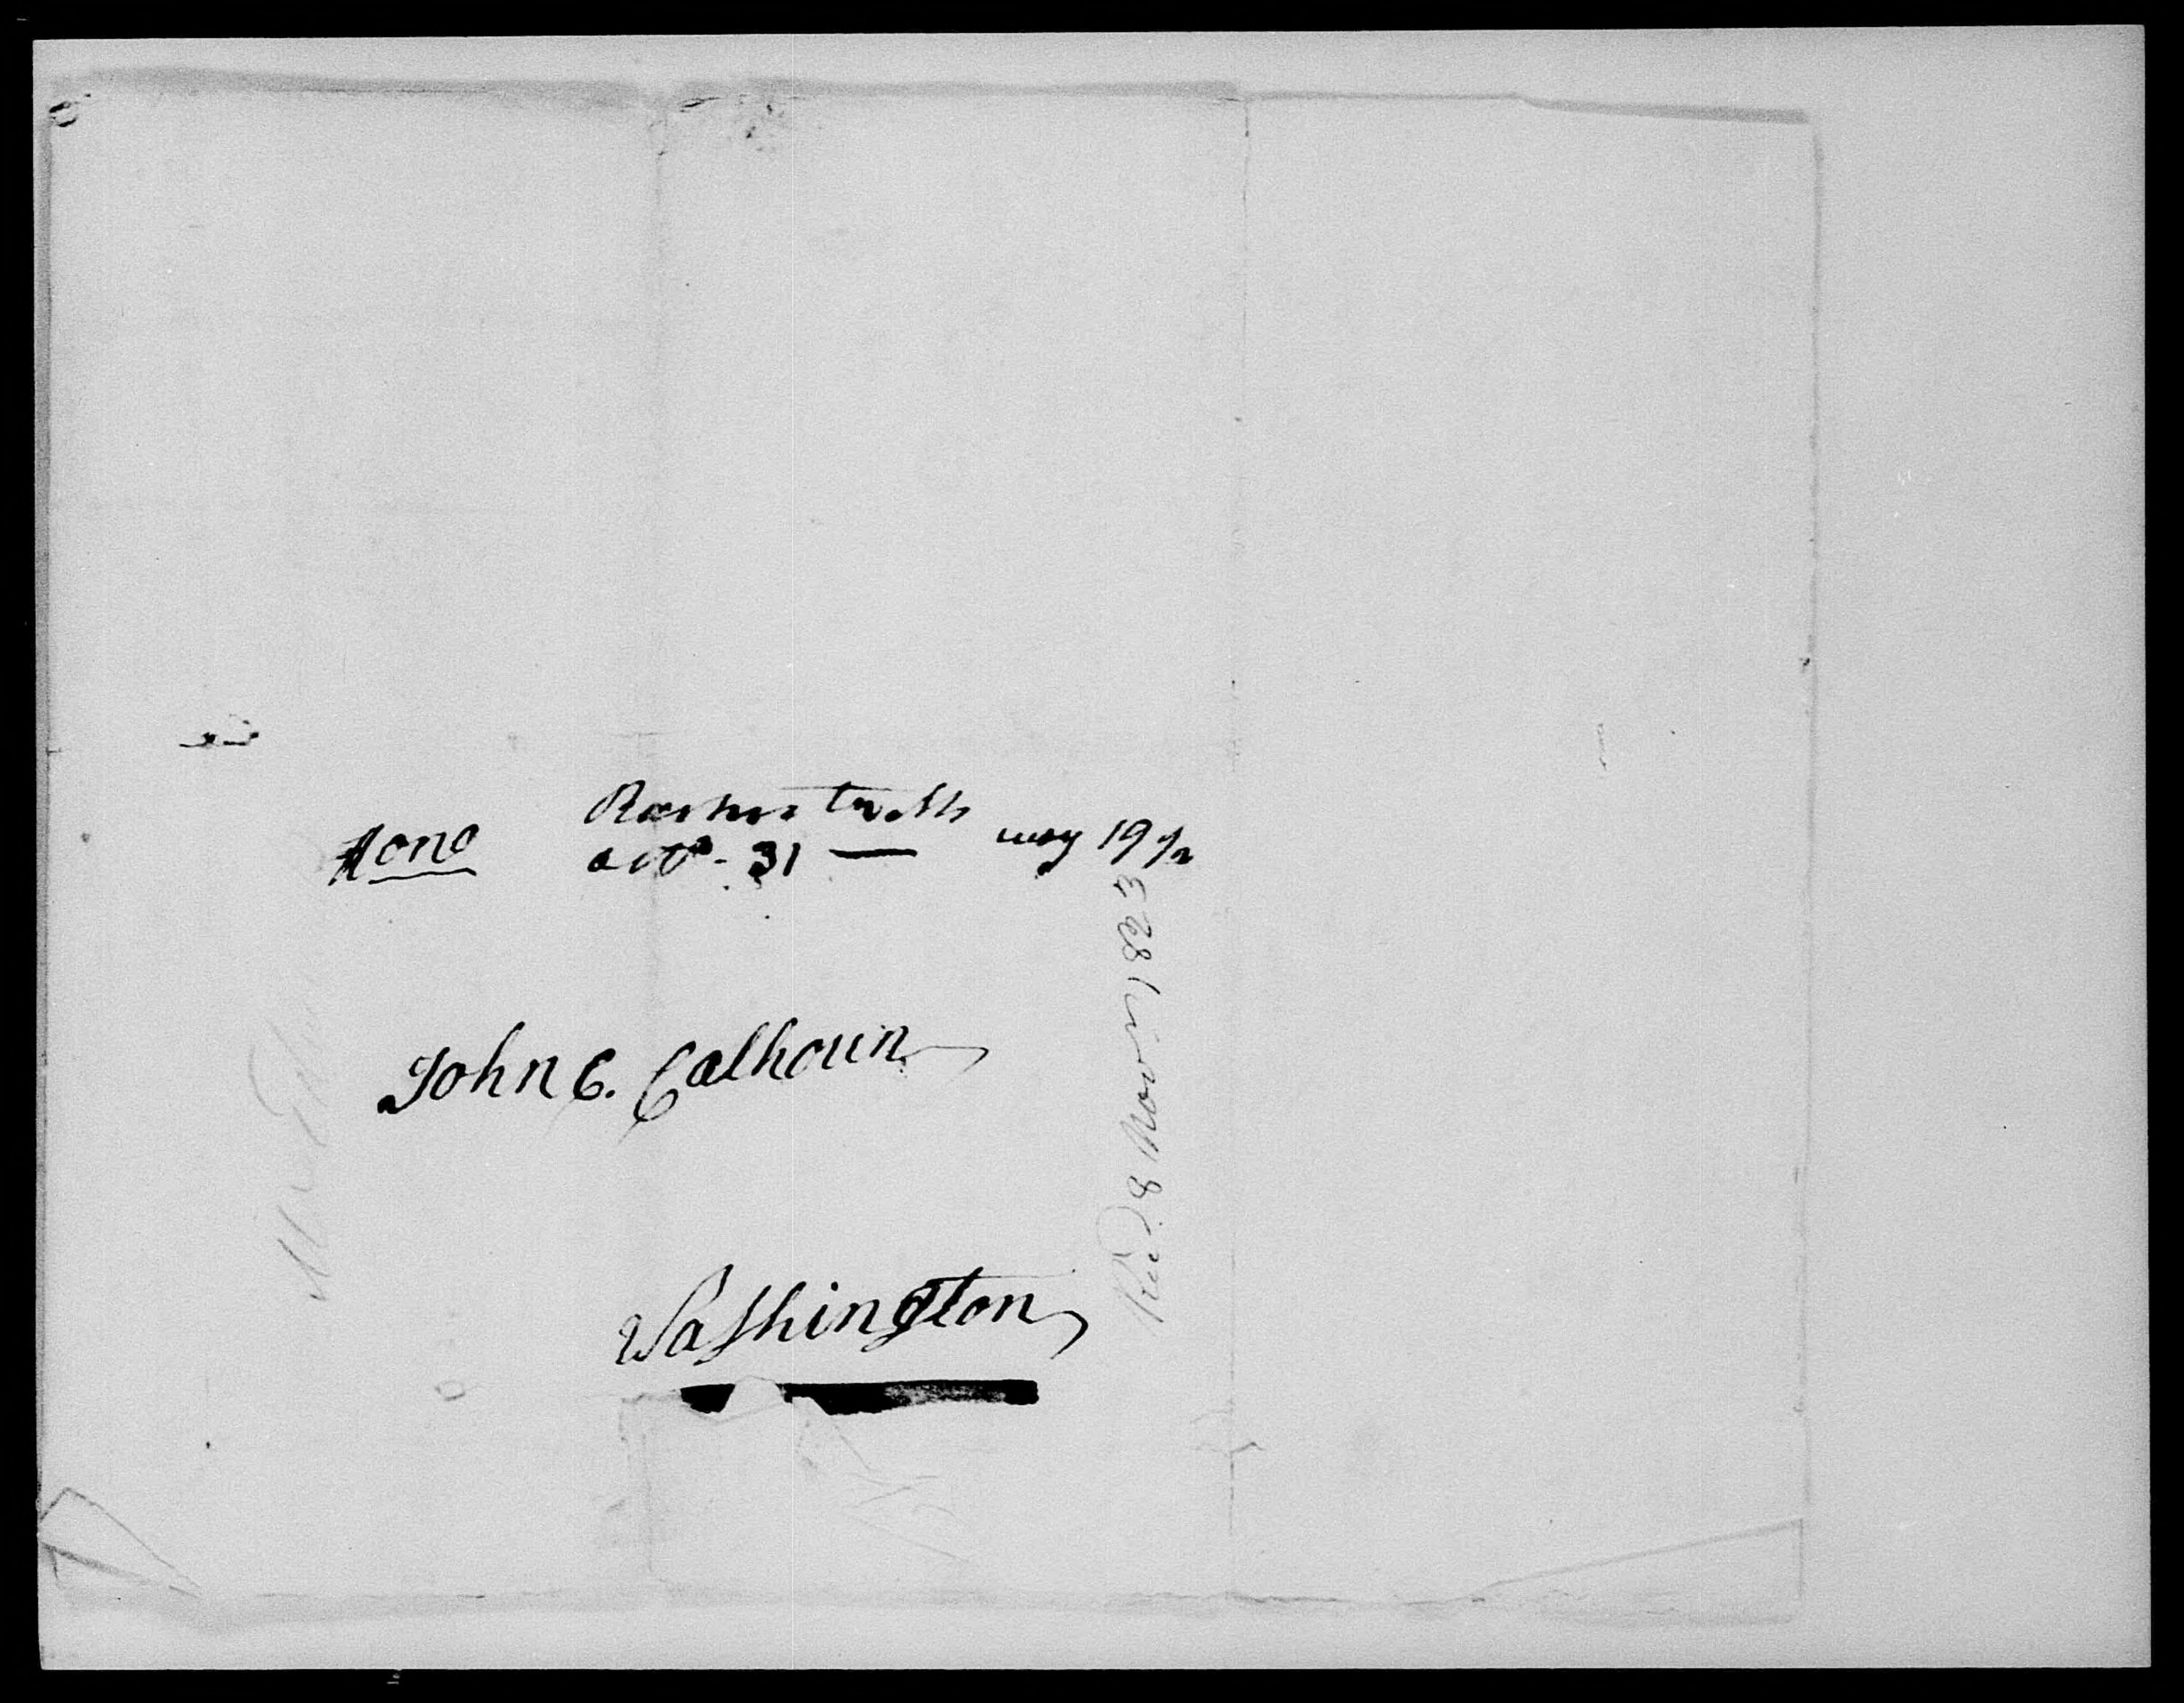None
Revolutionary War
Oct-31
-
John C. Calhoun
May 19, '12
Washington
1
Recd 8 Novr 1823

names: John C Calhoun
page: 62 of 82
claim: widow's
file: W. 13,634, for Rufus Lincoln, Massachusetts